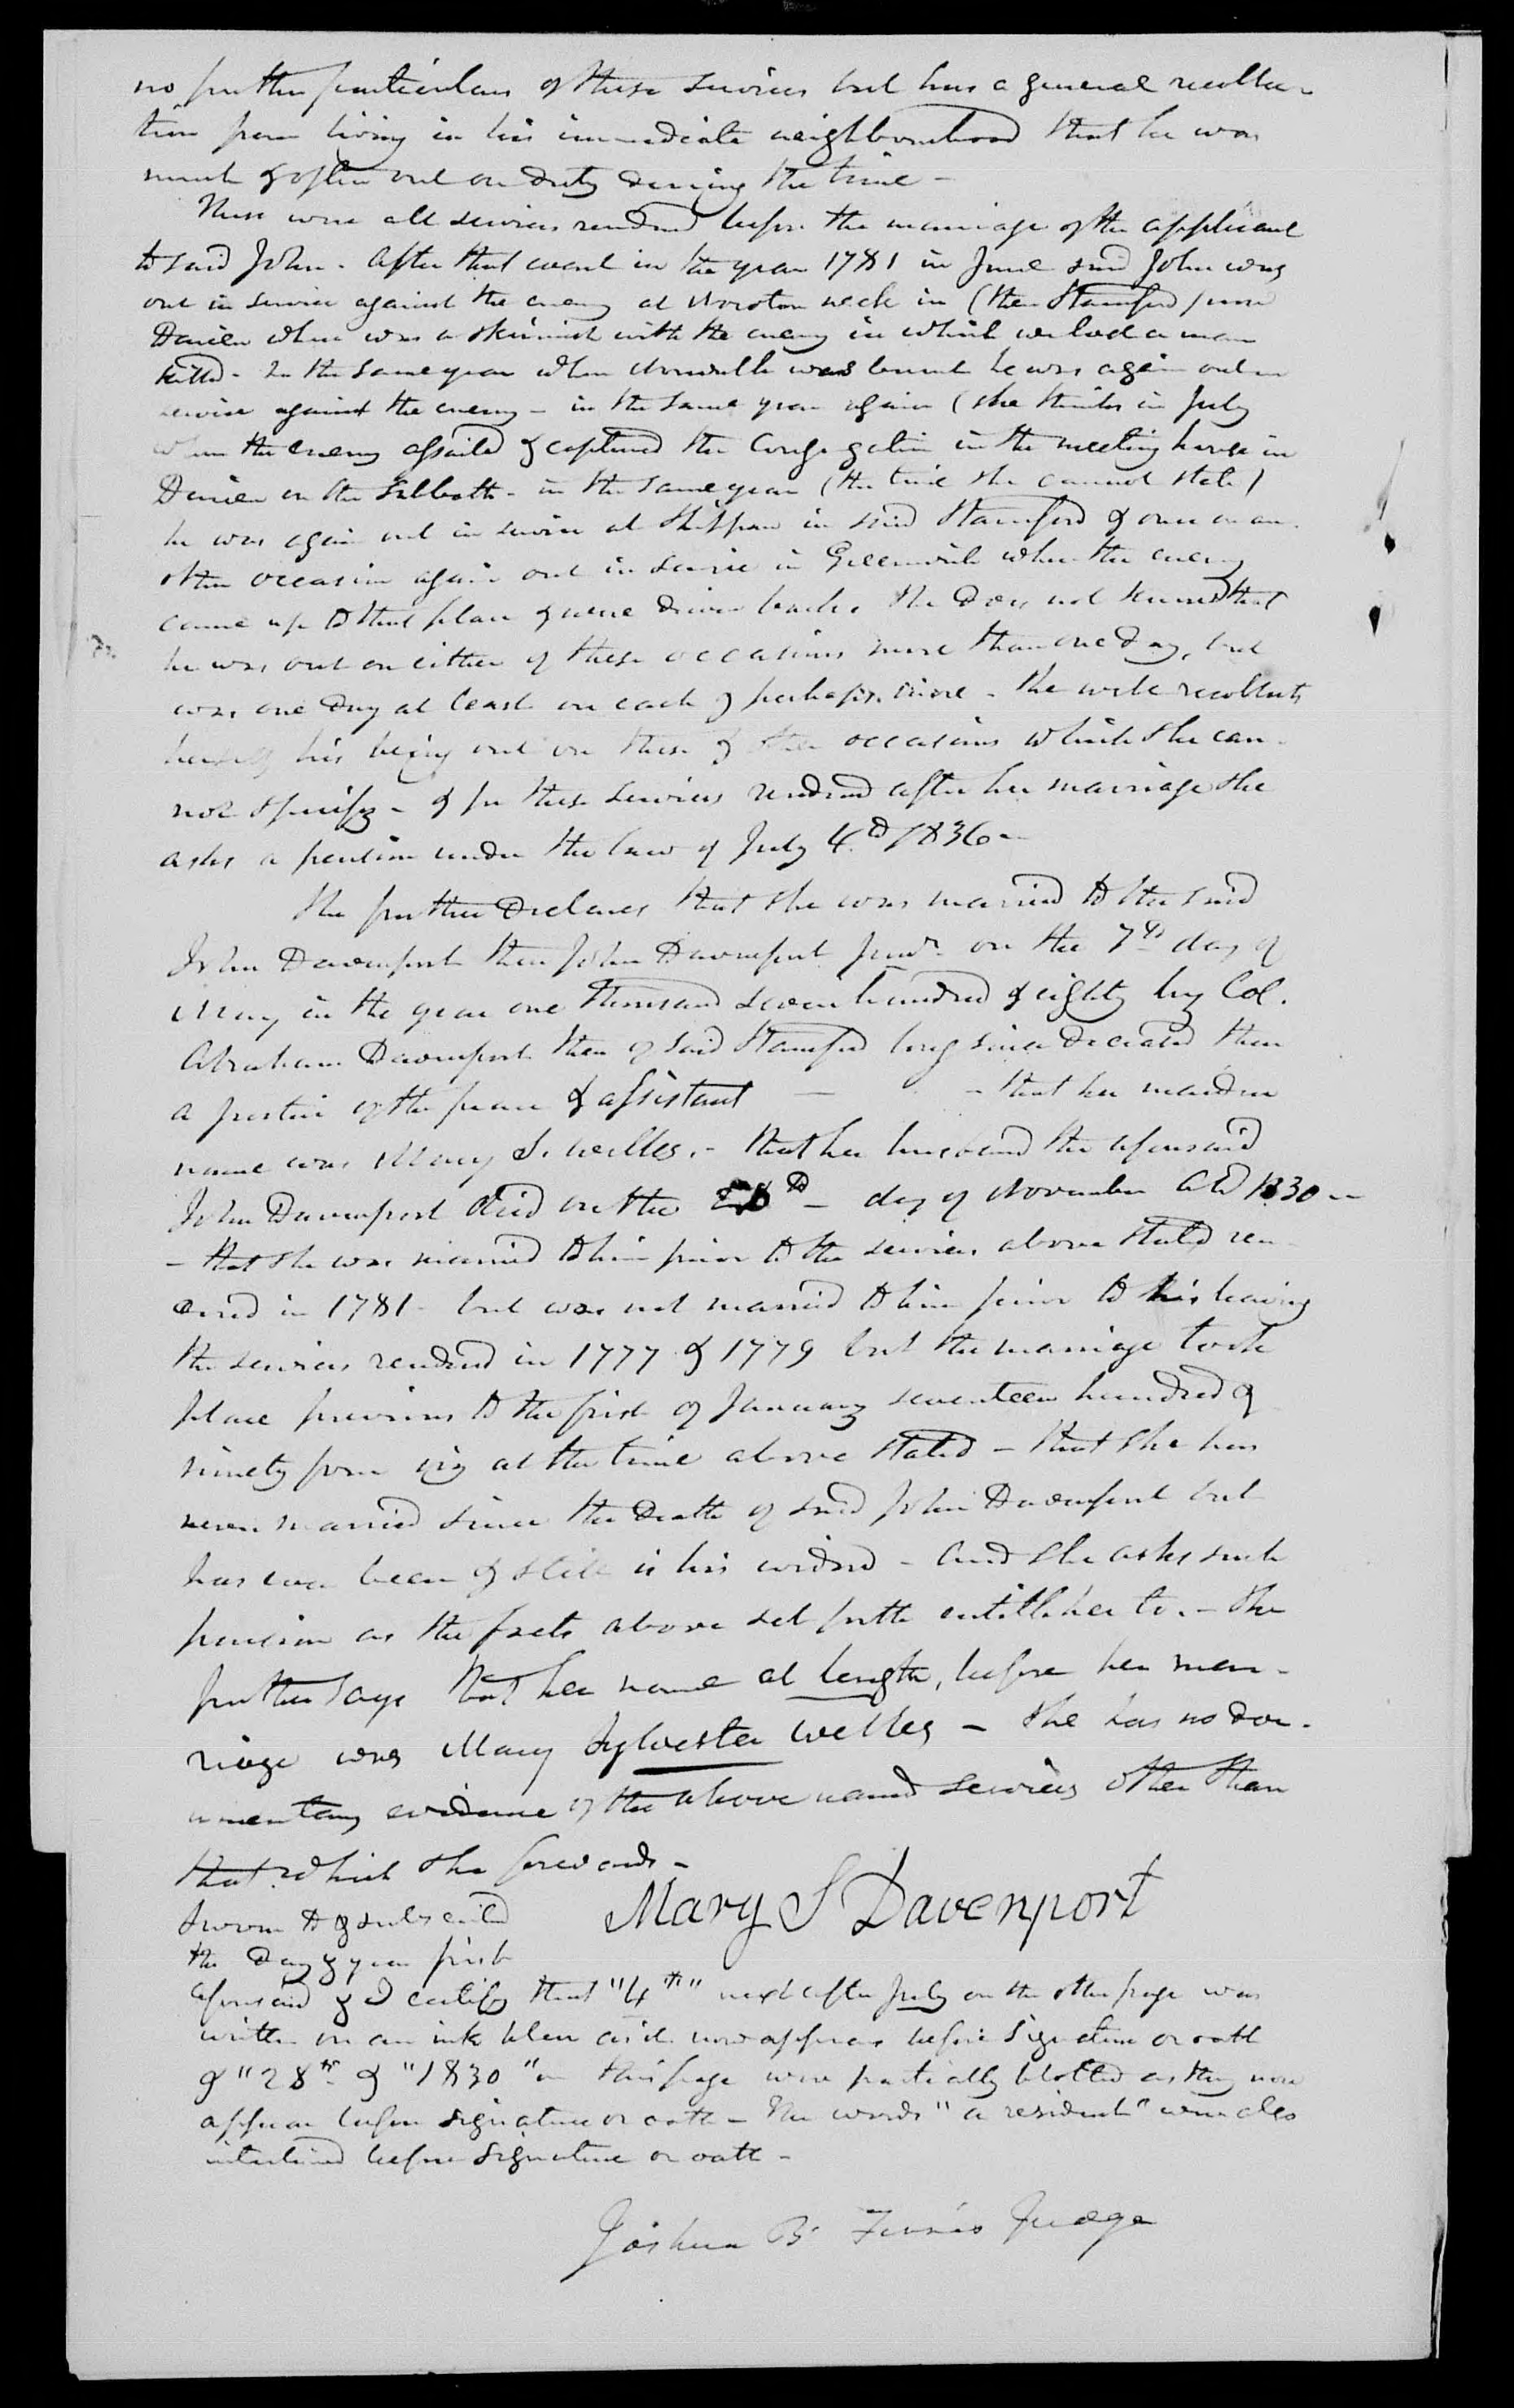no further particulars of these services but has a general recollection from living in his immediate neighbourhood that he was much & often out on duty during the time--
These were all services rendered after the marriage of the applicant to said John. After that event in the year 1781 said John was one in service against the enemy at [illegible] neck in (then Stamford/now Darien where was a skirmish with the enemy in which we had a man killed. 2 the same year when Norwalk was burned he was again out in service against the enemy--in the same year again (she thinks in July when the enemy assails & captured the Congregation in the meeting house in Darien on the Sabbath--in the same year (the time she cannot tell) he was again out in service at [illegible] in said Stamford & once on another occasion out in service in Greenwich where the enemy came [illegible] not knowing that he was out on either of these occasions more than one day, but was one day at least on each of [illegible] --she well recollects herself his being out on these 3 occasions which she can not specify & for his services rendered after her marriage the [illegible] a pension under the law of July 4th 1836.
She further declares that she was married to the said John Davenport then John Davenport Junior on the 7th day of May in the year one Thousand seven hundred & eighty by Col. Abraham Davenport then of said Stamford long since deceased then a justice of the peace & a [illegible]--that her maiden name was Mary S. Welles--that she believed the aforesaid John Davenport died on the [illegible] day of November AD 1830--that she was married to him prior to his service above stated [illegible] in 1781 but was not married to him prior to his leaving the services rendered in 1777 & 1779 but the marriage took place previous to the first of January seventeen hundred & ninety four viz at the time above stated--that she has never married since the death of said John Davenport but has ever been & still is his widow--and she asks such pension as the facts above set forth entitle her to. --the [illegible] her name at length, before her marriage was Mary Sylvester Welles--she has no [illegible] evidence of the above [illegible] services other than that which this [illegible]--
Mary S Davenport
Sworn to & subscribed
the day of year first above [illegible] I certify that 4th next after July on the other page was written in an ink bleu [illegible] now of force before signature or oath & "28th" & "1830" on this page were partially blotted as they were [illegible] before signature or oath--New words "a resident" were also interlined before signature or oath
Joshua B Ferris Judge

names: John, Joshua B Ferris, John Davenport, Mary Sylvester, John Davenport, Mary S Welles, John Davenport, Mary S Davenport, John, Abraham Davenport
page: 5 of 15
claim: widow's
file: W 17711, John Davenport, Conn.